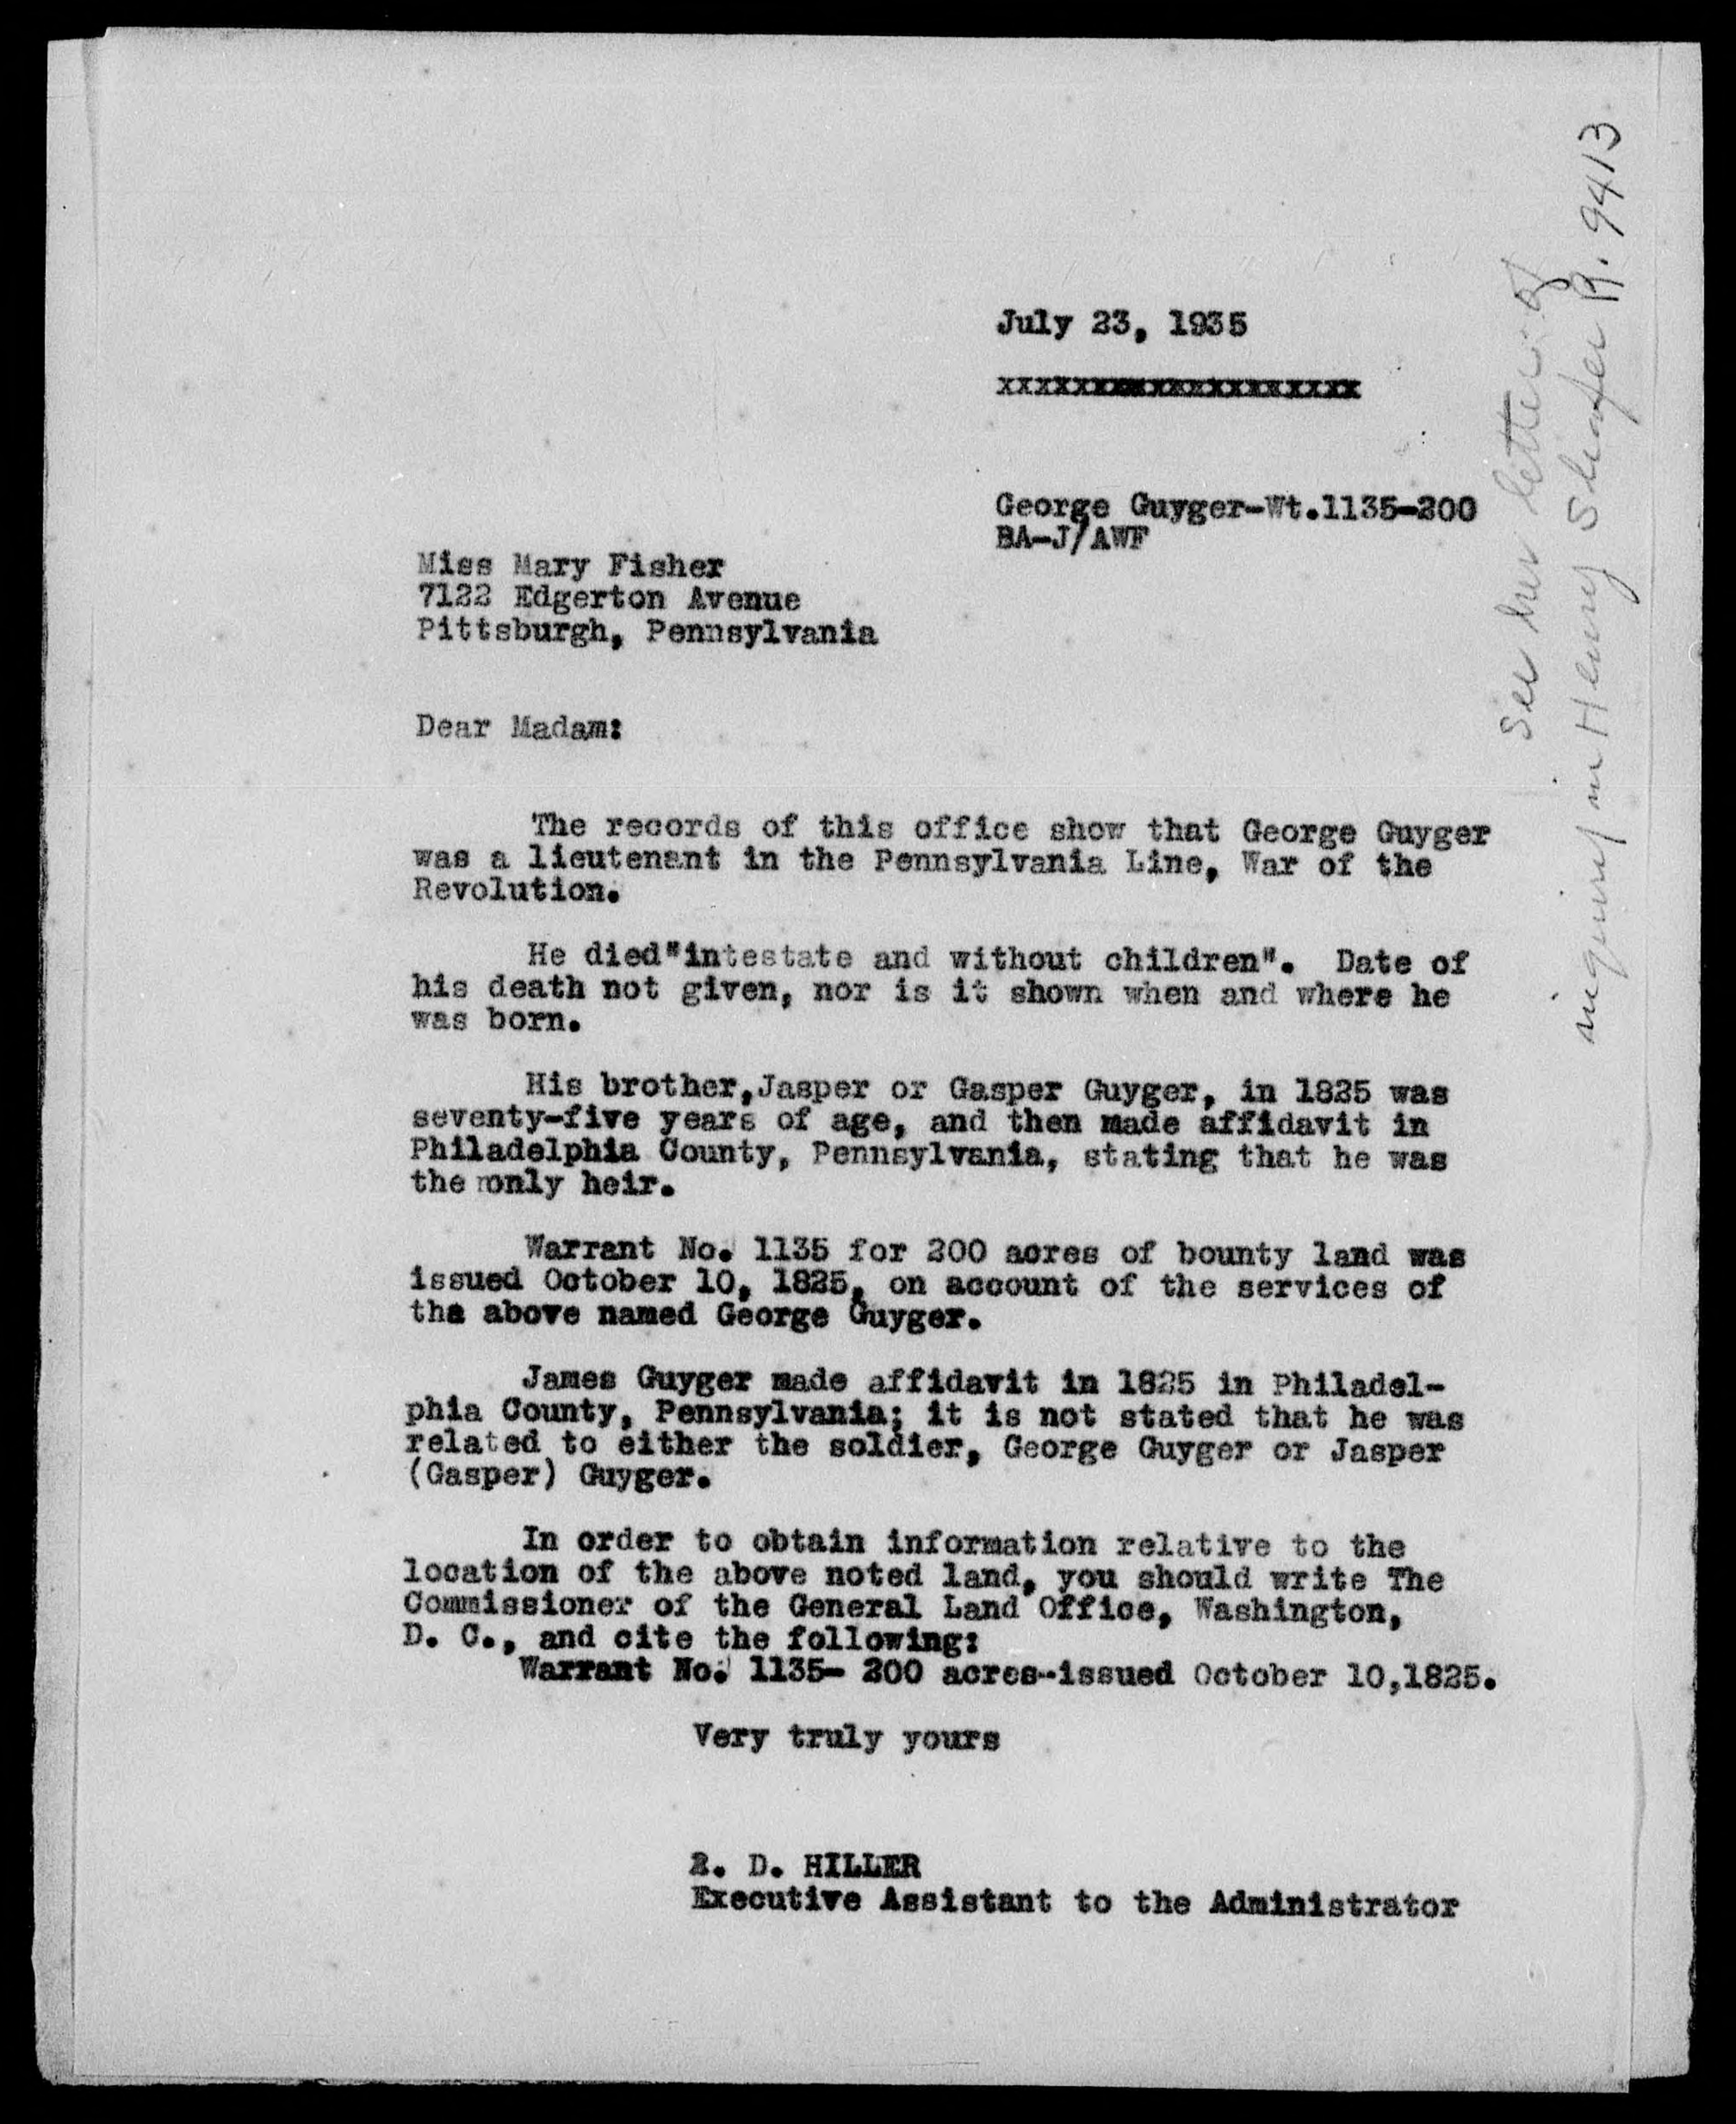July 23, 1935
xxxxxxxxxxxxx
George Guyger-Wt.1135-200
BA-J/AWF

Miss Mary Fisher
7122 Edgerton Avenue
Pittsburgh, Pennsylvania

Dear Madam:

    The records of this office show that George Guyger was a lieutenant in the Pennsylvania Line, War of the Revolution.

    He died "intestate and without children".  Date of his death not given, nor is it shown when and where he was born.

    His brother, Jasper or Gasper Guyger, in 1825 was seventy-five years of age, and then made affidavit in Philadelphia County, Pennsylvania, stating that he was the only heir.

    Warrant No. 1135 for 200 acres of bounty land was issued October 10, 1825, on account of the services of the above named George Guyger.

    James Guyger made affidavit in 1825 in Philadelphia County, Pennsylvania; it is not stated that he was related to either the soldier, George Guyger or Jasper (Gasper) Guyger.

    In order to obtain information relative to the location of the above noted land, you should write The Commissioner of the General Land Office, Washington, D.C. and cite the following:
     Warrant No. 1135-200 acres-issued October 10, 1825.

                               Very truly yours
            
                                A. D. Hiller
                                Executive Assistant to the
                                Administrator

Handwritten on the right margin - See her letter of required in Henry Sheafer R.9413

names: Gasper Guyger, George Guyger, A D Hiller, Mary Fisher, Jasper Guyger, Henry Sleaper, George Guyger, Gasper Guyger, George Guyger, James Guyger, Jasper Guyger, George Guyger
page: 5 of 5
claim: bounty land warrant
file: B.L.Wt. 1135-200, George Guyger, Penn.